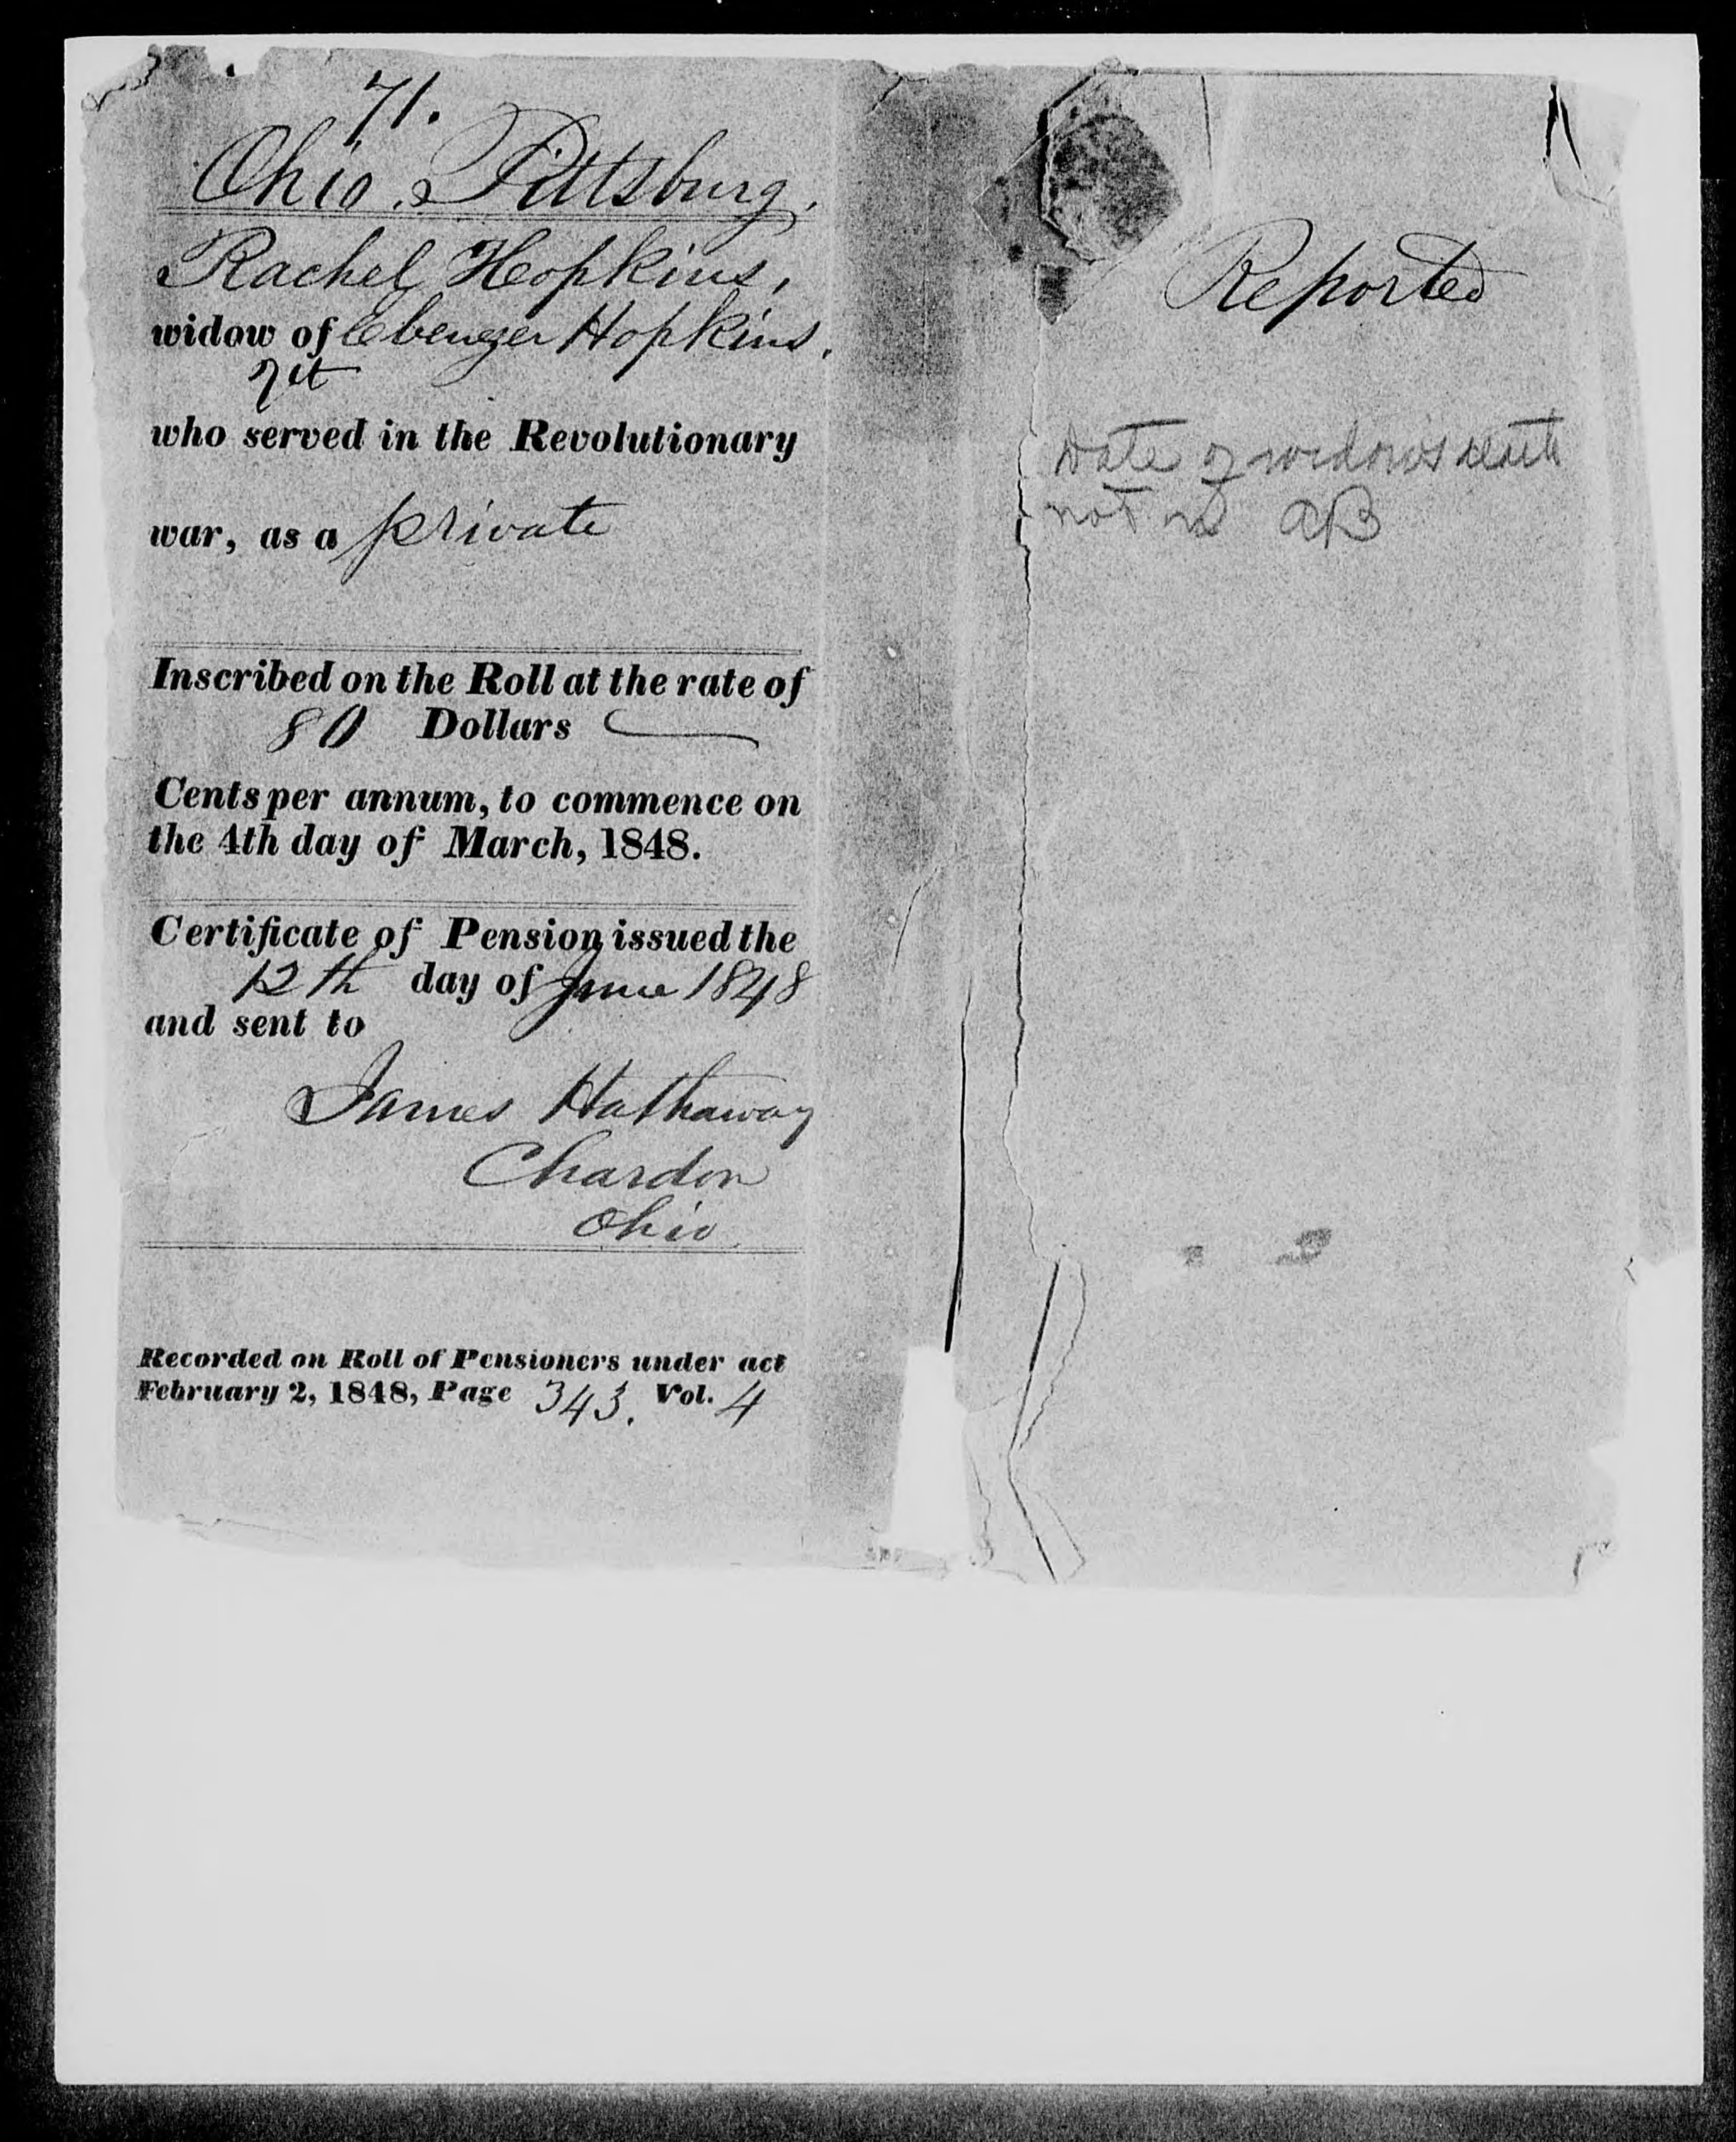2 fold
Left side:

71.
Ohio Pittsburg
Rachel Hopkins,
widow of Ebenzer Hopkins
Vt
who served in the Revolutionary war, as a private

Inscribed on the Roll at the rate of
80 Dollars -- 
Cents per annum, to commence on
the 4th day of March, 1848.

Certificate of Pension issued the
12th day of June 1848
and sent to
James Hathaway
Chardon
Ohio

Recorded on Roll of Pensioners under act
February 2, 1848, Page 343. Vol. 4

Right side:

Reported
Date of widows doth
not [illegible] [illegible]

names: Rachel Hopkins, James Hathaway, Ebenezer Hopkins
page: 65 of 144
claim: rejected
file: R. 5208, Dennis Hopkins, N.C.